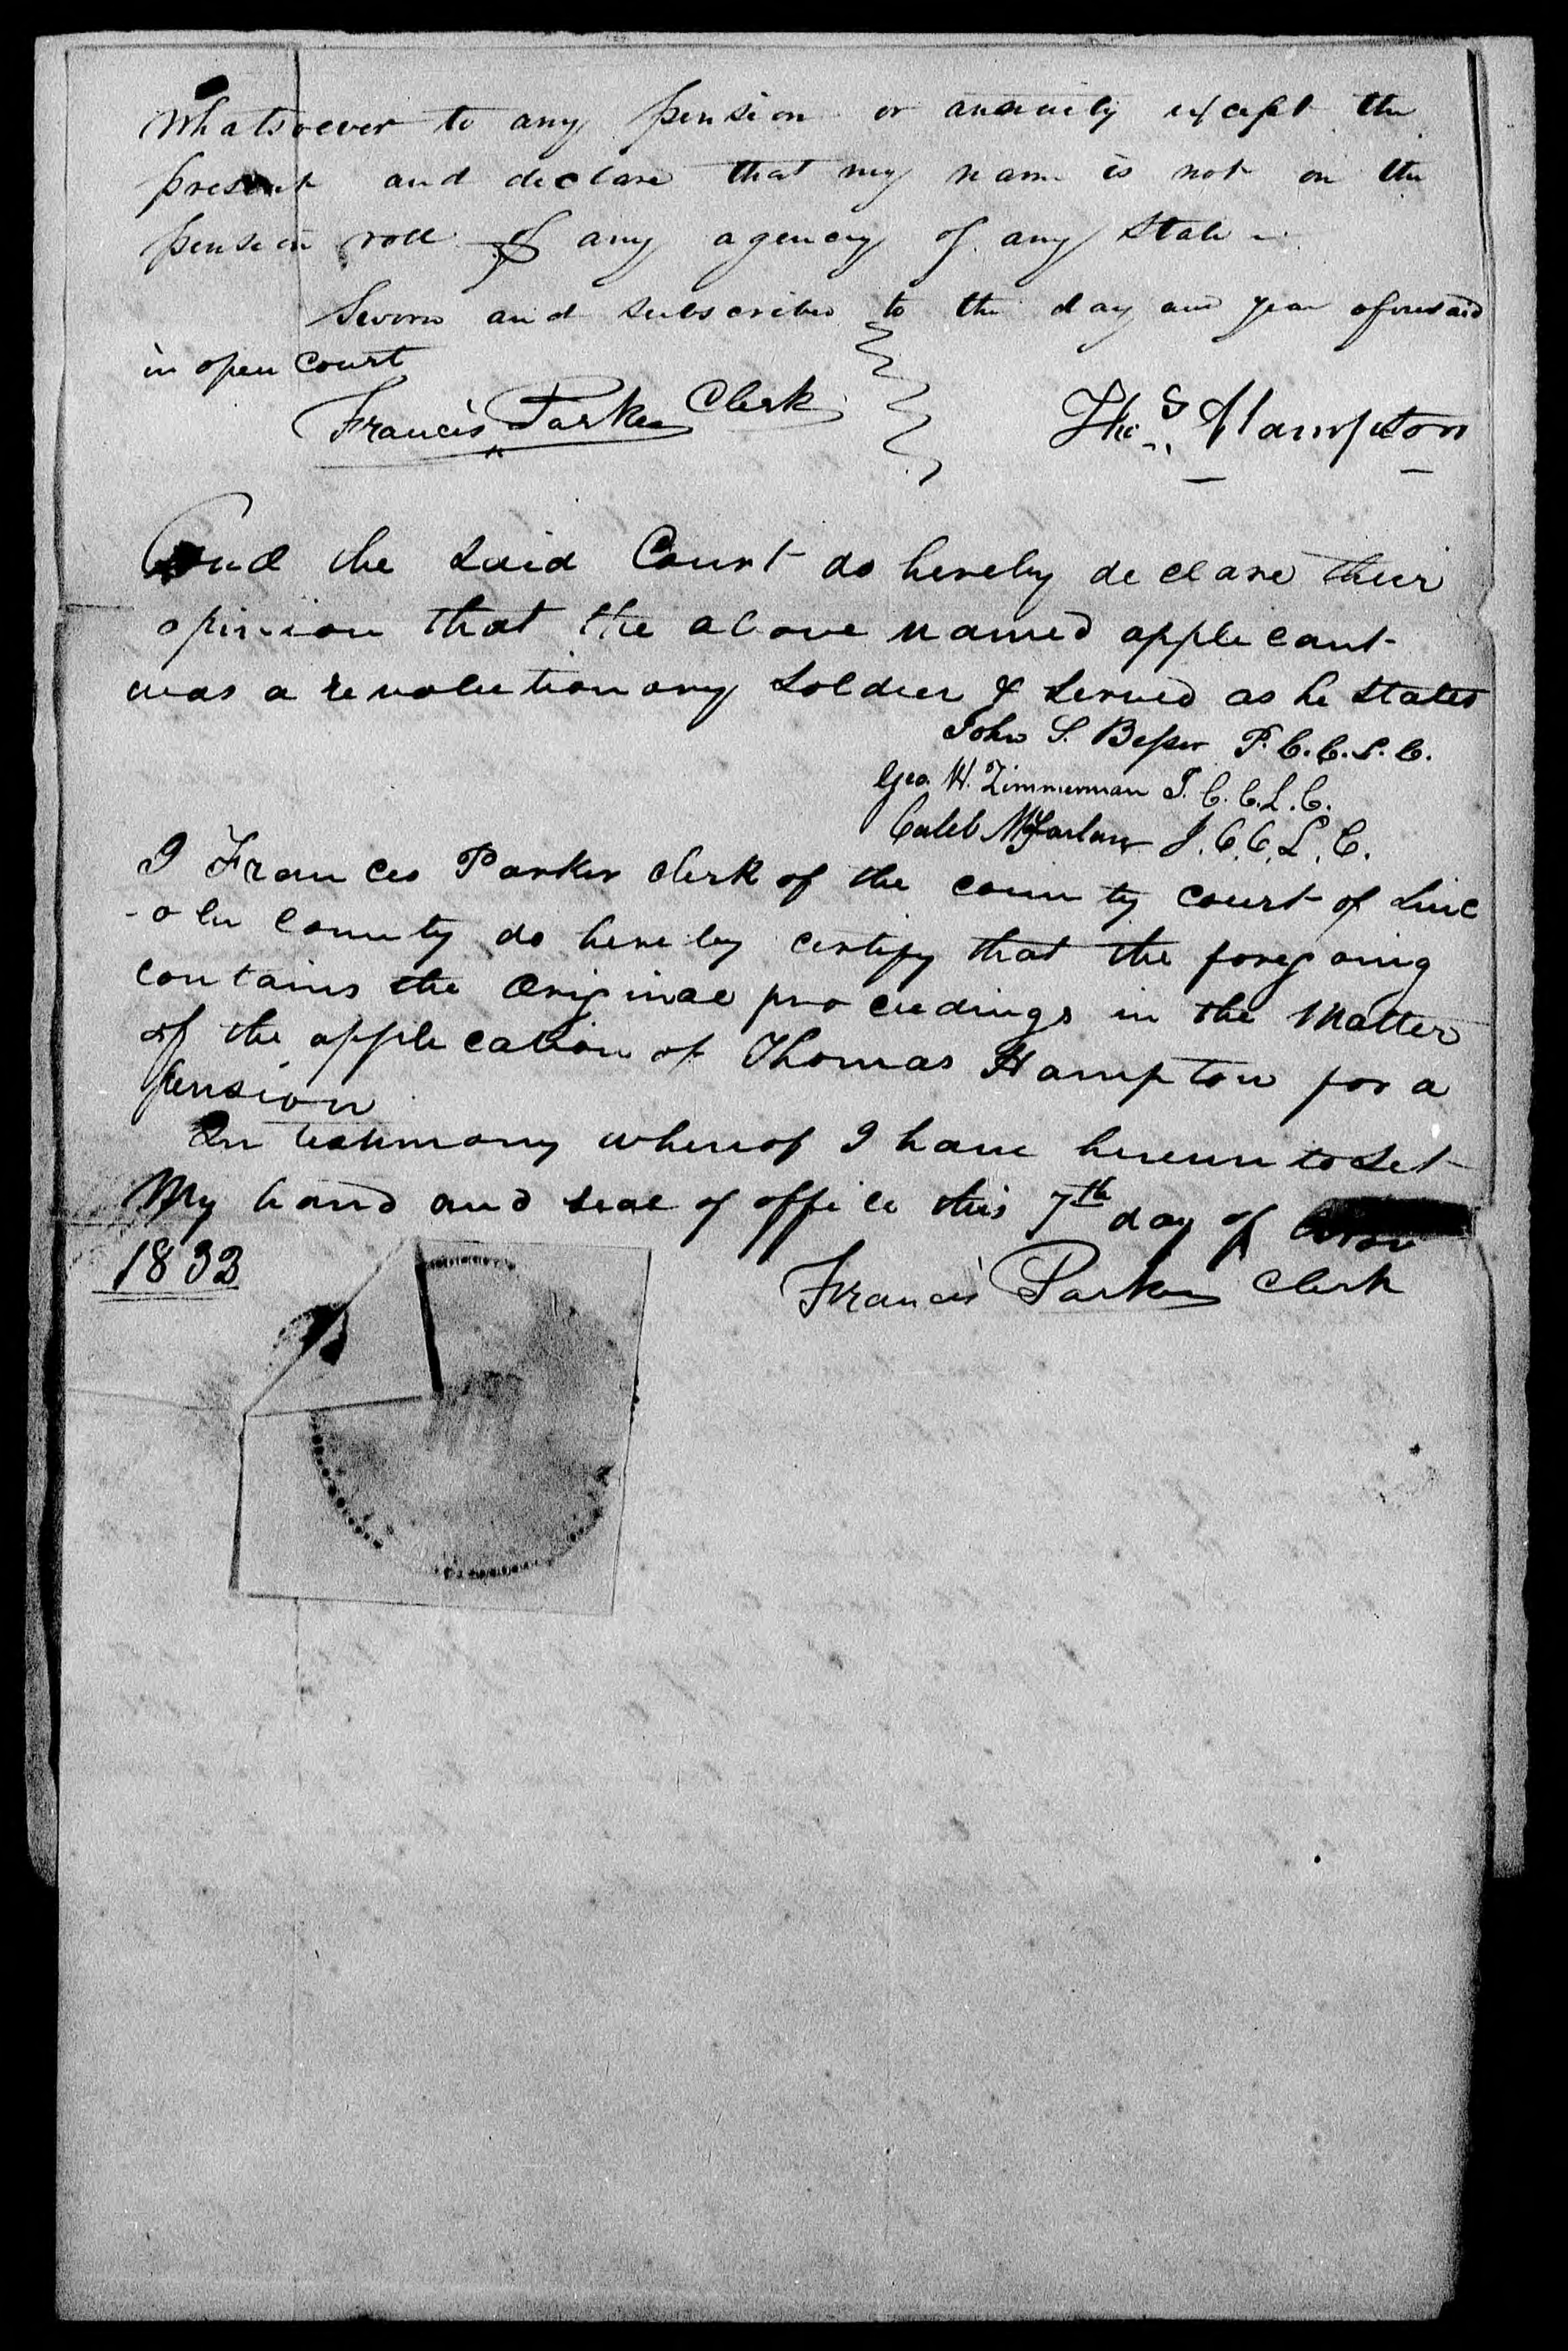Whatsoever to any pension or annuity except the present and declare that my name is not on the pension roll of any agency of any state-
Sworn and subscribed to the day and year aforesaid in open Court
Francis Parker Clerk Thos Hampton
And the said Court do hereby declare their opinion that the above named applicant was a revolutionary soldier & served as he states
John S. Besser P.C.C.S.C.
Geo H. Zimmerman J.C.C.L.C.
I Francis Parker clerk of the county court of Lincoln County do hereby certify that the foregoing contains the Original proceedings in the matter of the application of Thomas Hampton for a pension
In testimony whereof I have hereutno set my hand and seal of office this 7th day of [Nov] 1832
Francis Parker Clerk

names: Frances Parker, Francis Parker, John S Besser, Geo H Zimmerman, Francis Parker, Caleb M Farlan, Thos Hampton, Thomas Hampton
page: 4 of 26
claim: survivor's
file: S. 16842, Thomas Hampton, Va.